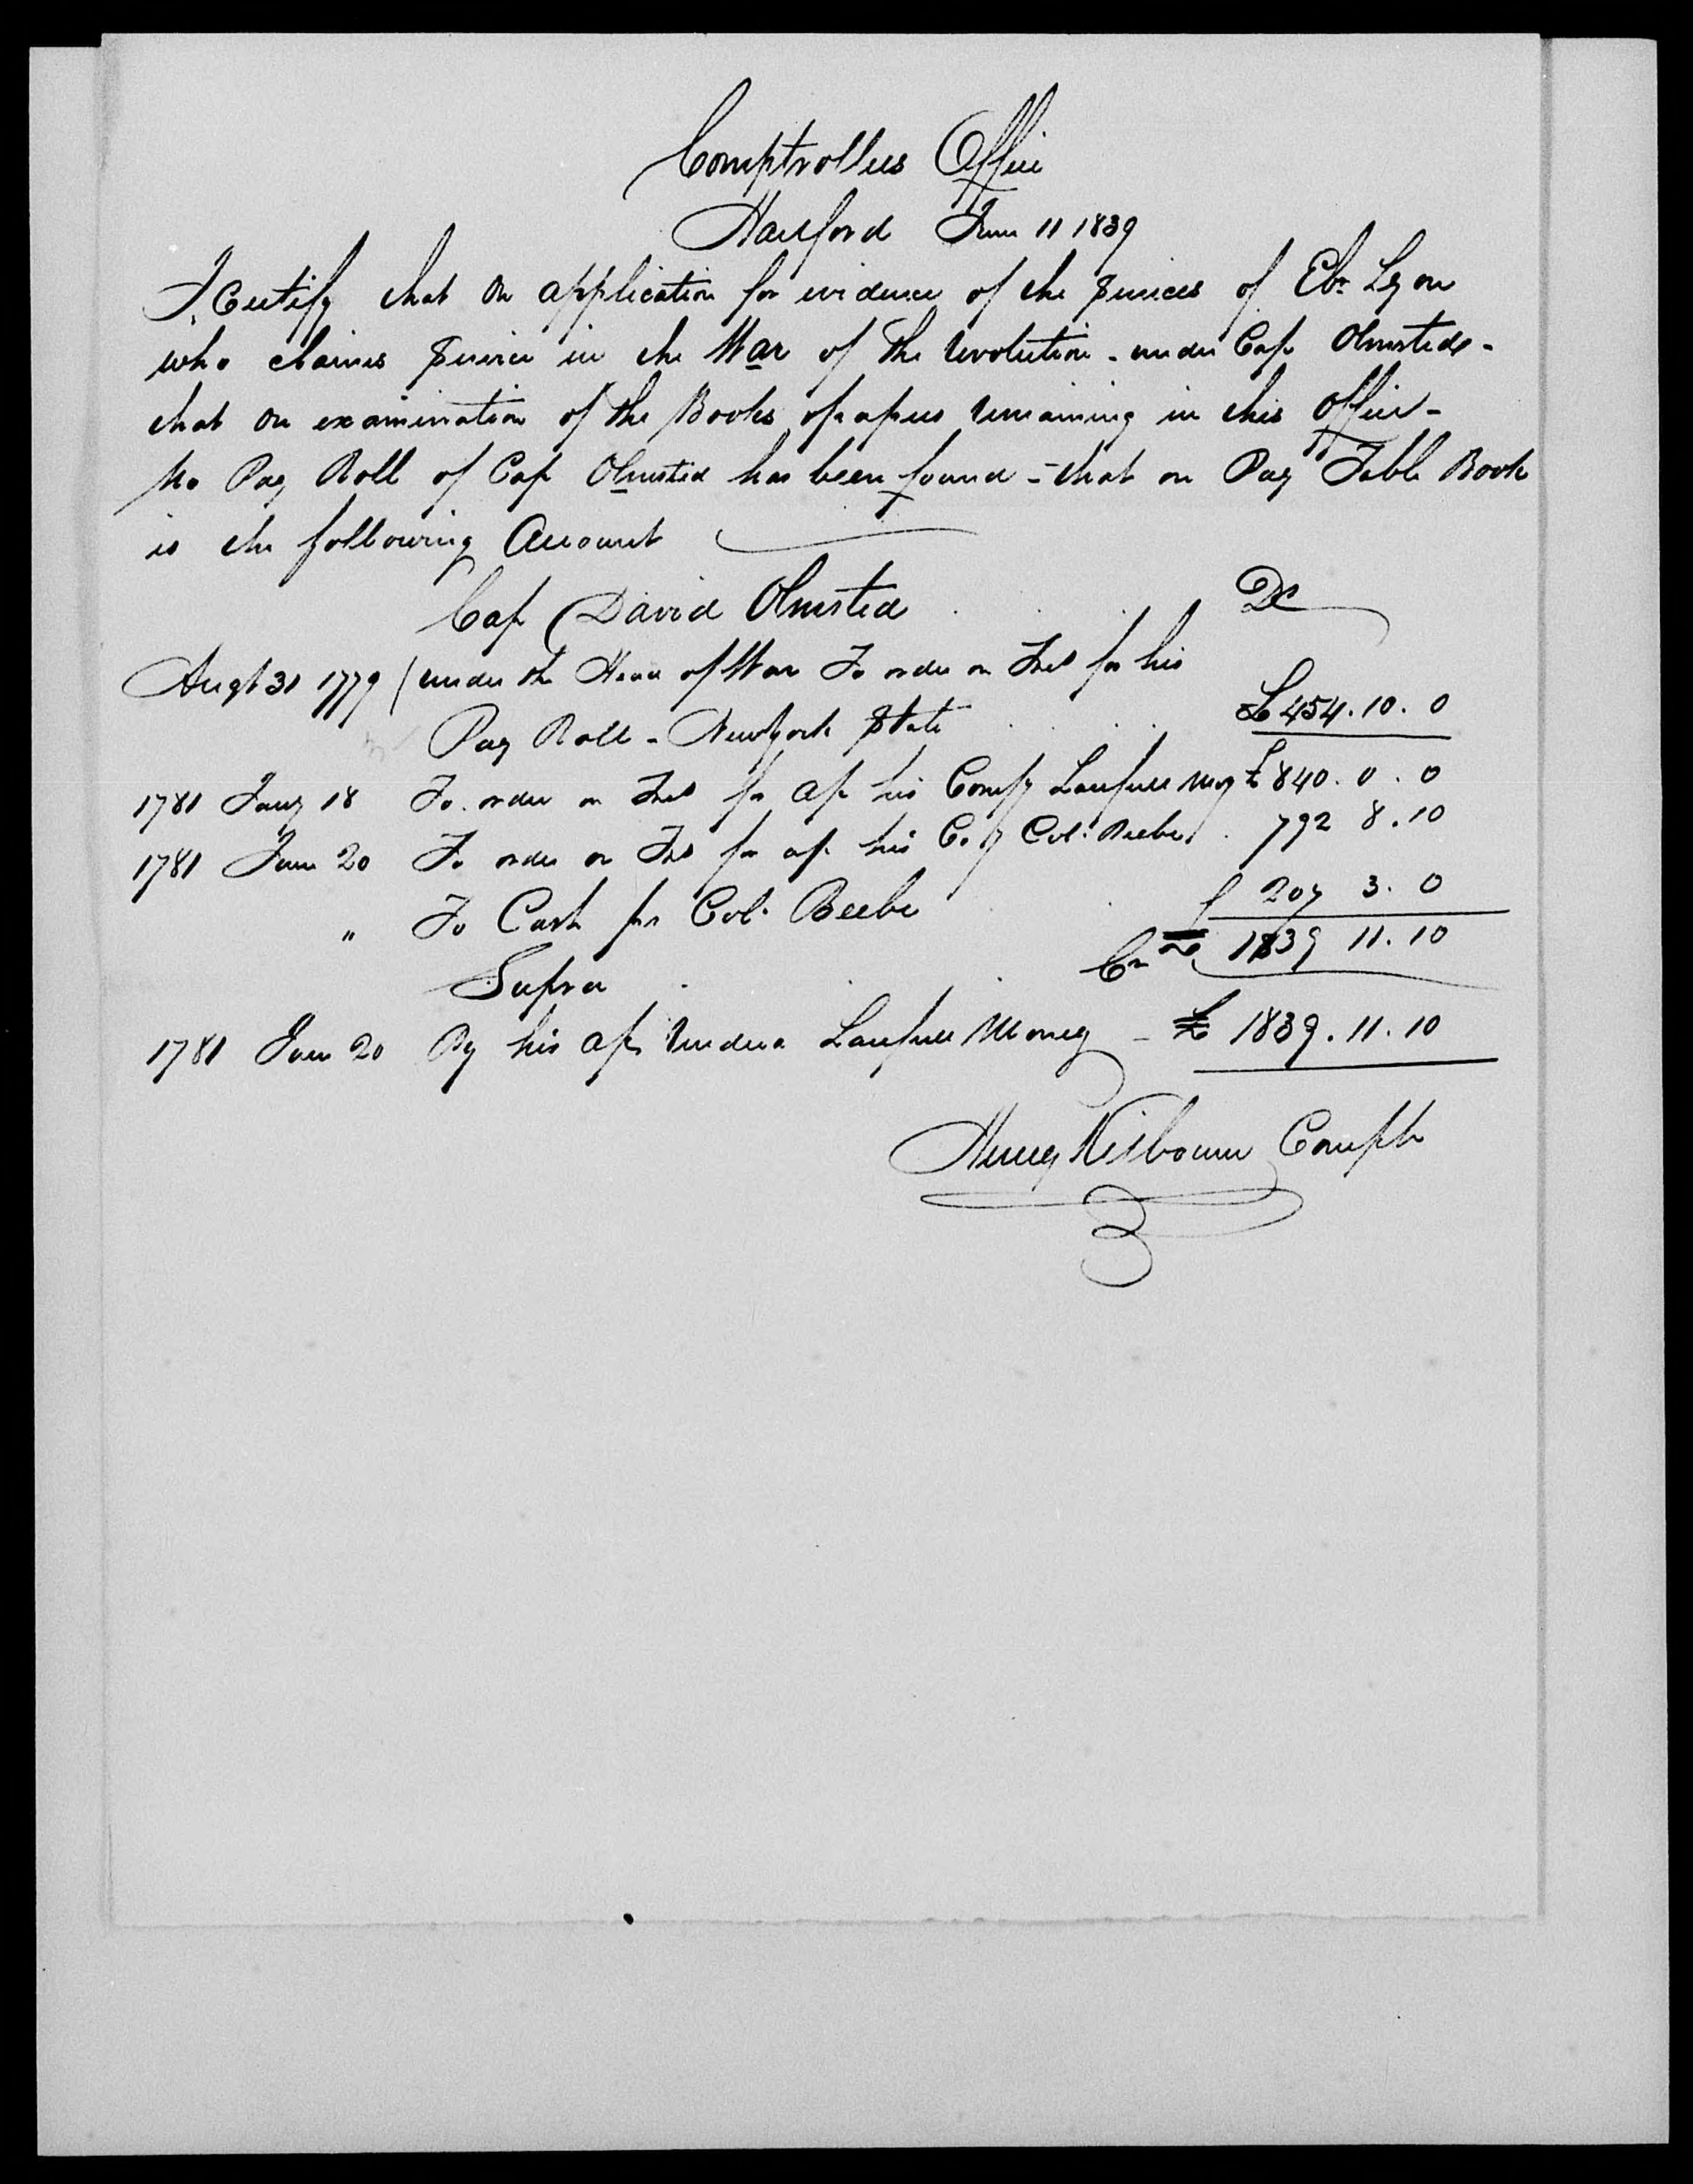Comptrollers Office
Hartford June 11 1839
I certify that on application for evidence of the services of Ebr Lyon who claims service in the War of the revolution under Cap Olmsted - that on examination of the Books papers remaining in this office - No Pay Roll of Cap Olmsted has been found - that on Pay Table Book is the following Account -
Cap David Olmsted  DC

Augt 31 1779 / under the Hand of War to order on [illegible] for his Pay Roll - New York State ... [Pound symbol]454.10.0
______

1781 Jany 18 To order on [illegible] for a/c his Compy Lawfull my [Pound symbol]840.0.0

1781 June 20 To order on [illegible] for a/c his Coy Col. Beebe 792 8.10

"  To Cash for Col. Beebe 207 3.0
_______
[illegible] C [Pound symbol]1839 11.10
_____
1781 June 20 Py his a/c [illegible] Lawfull Money - [Pound symbol]1839.11.10 
_____
Henry Kilbourn Comptr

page: 31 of 40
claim: widow's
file: W. 24,615, for Ebenezer Lyon, Connecticut